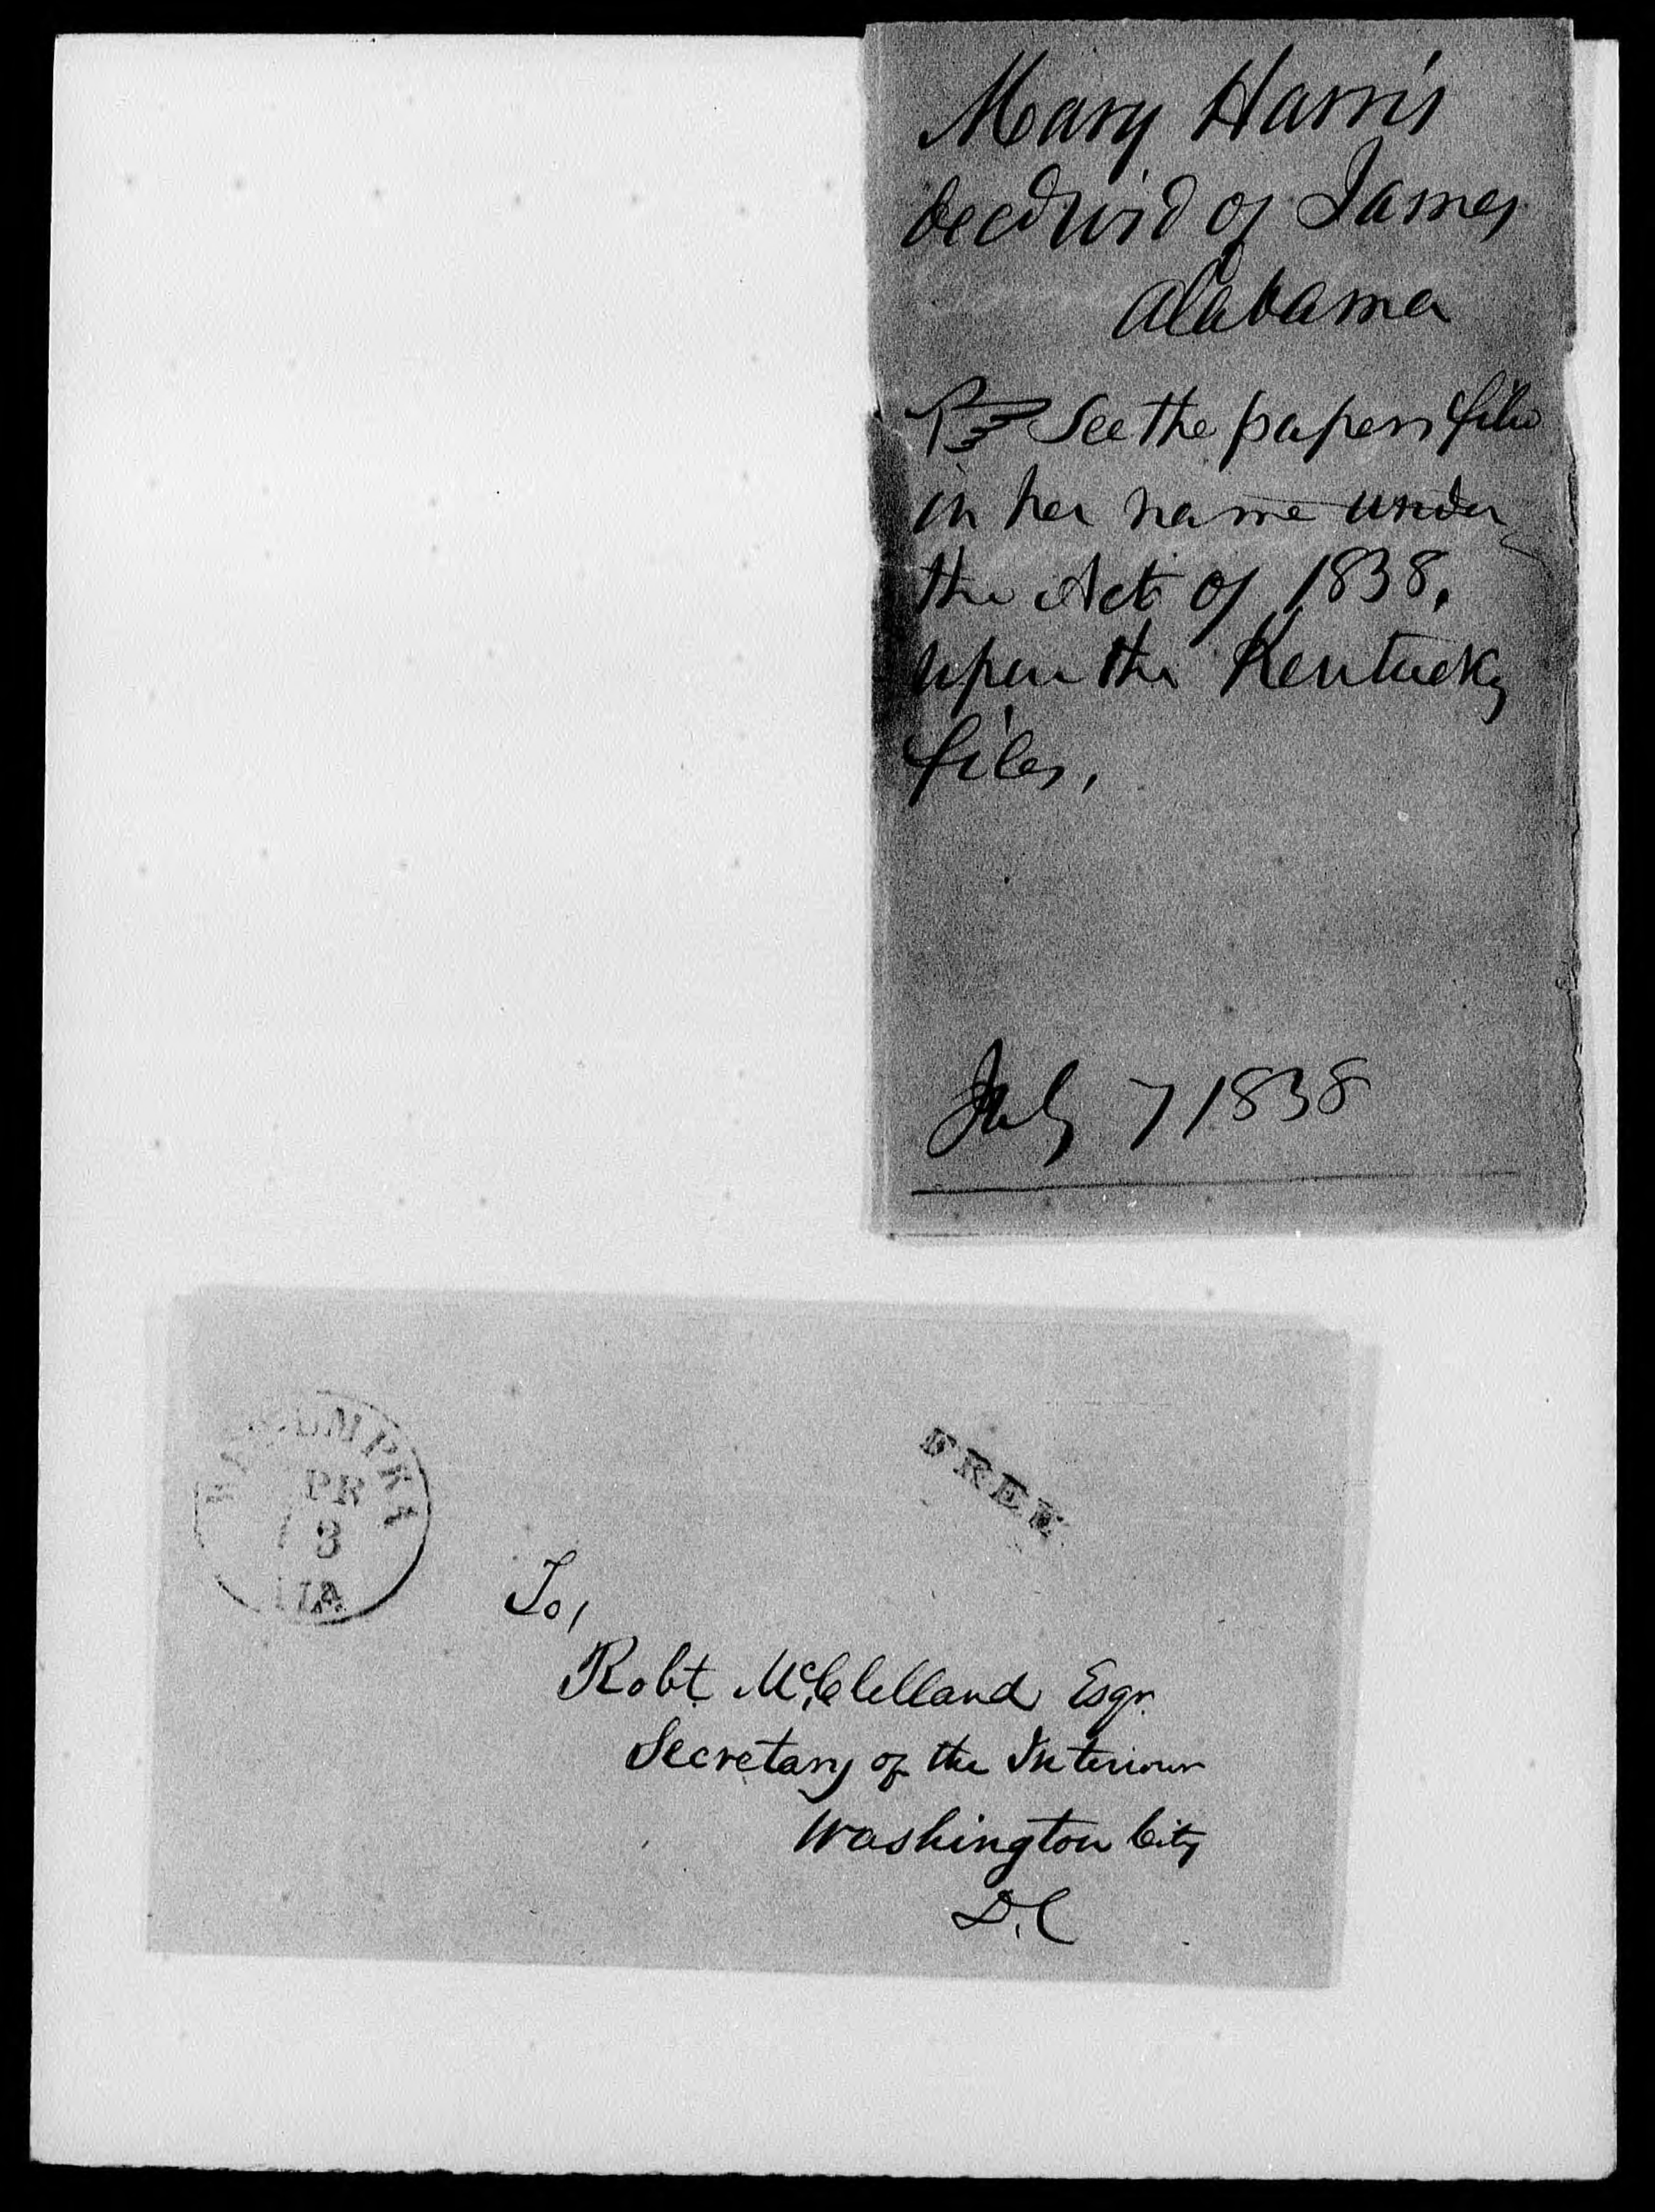Mary Harris
Decd wid of James
Alabama

[pointing hand symbol] See the papers filed
in her name under
the Act of 1838,
[?] the Kentucky
files.

July 7 1838


[item is an envelope]

[postmark} WETUMPKA
APR
[?]3
ALA

FREE

To,
Robt McClelland Esqr
Secretary of the Interior
Washington City
D.C..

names: Mary Harris, James Harris, Robt Mc Clelland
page: 115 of 160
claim: rejected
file: R. 4666, James Harris, Va.